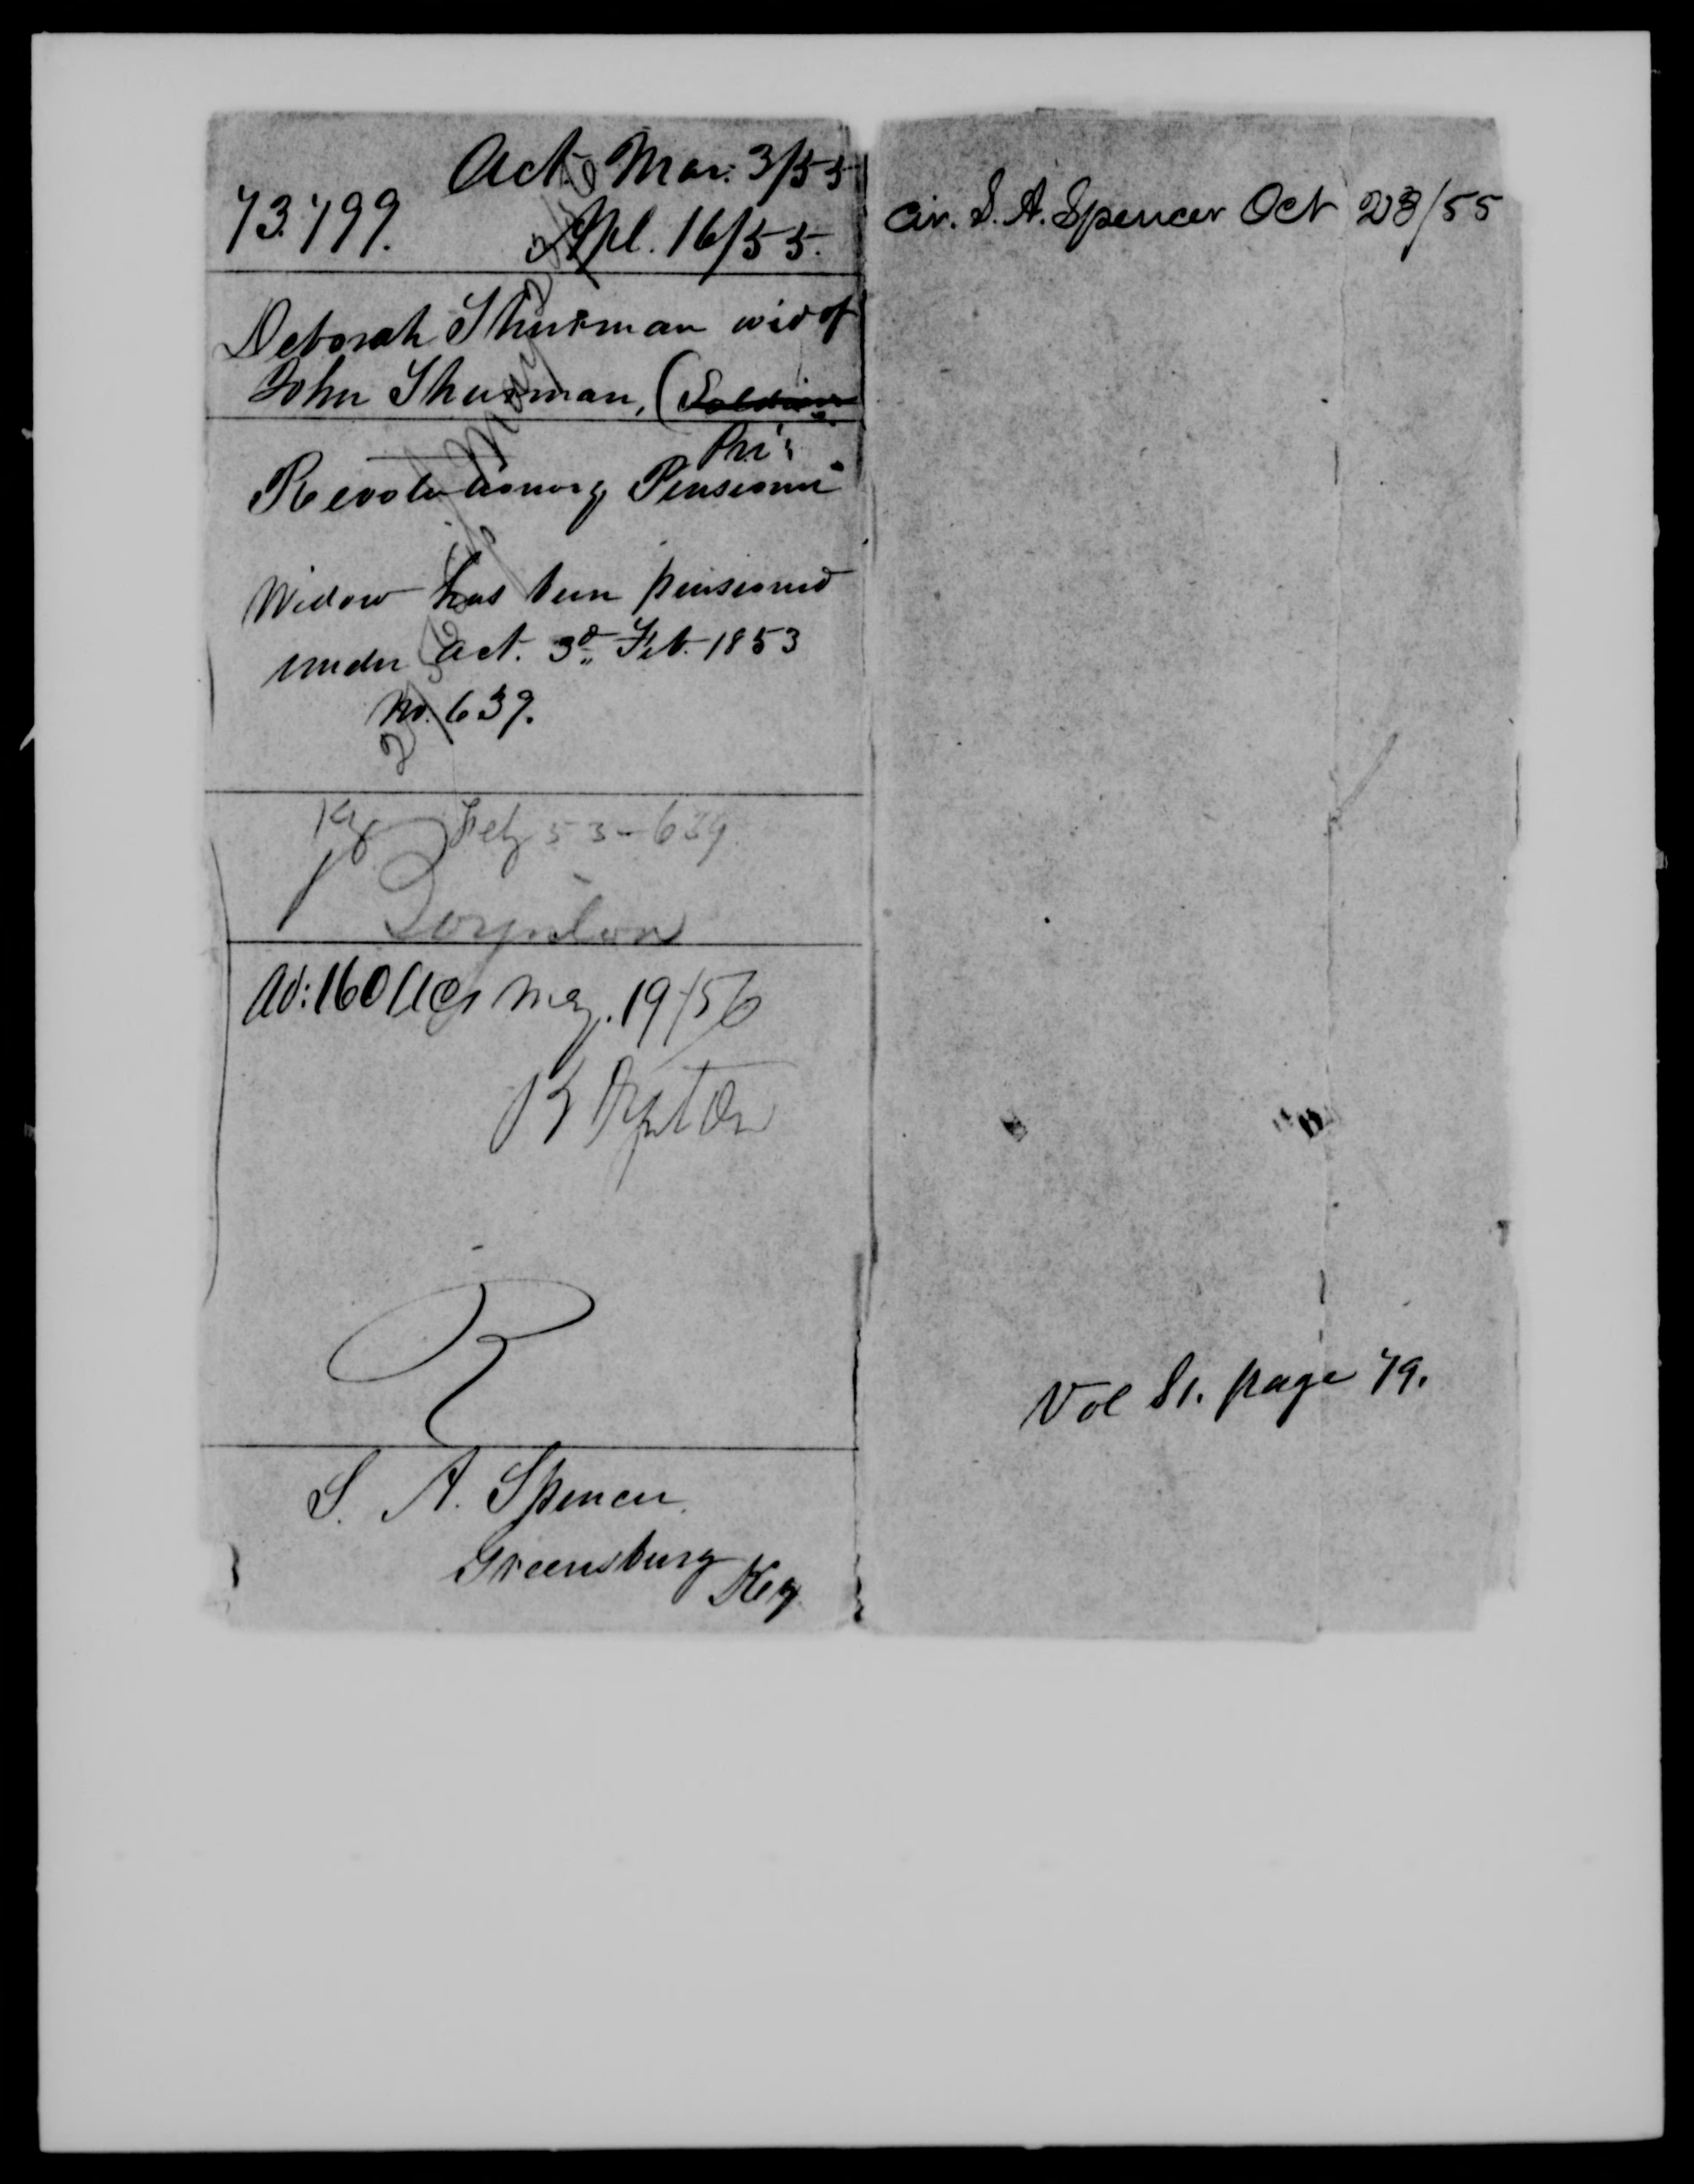Act Mar. 3/55
73.799.
Apl. 16/55.
Deborah Thurman wid of 
John Thurman, [Soldier] [crossed out] Pri 
Revolutionary Pension
Widow has been pensioned 
under act. 30 Feb. 1853
no. 639.
19 Feby 53 -639
Boynton
Ad: 160 Act May19/56
Boynton
R
S. A. Spencer,
Greensburg Ky
Civ. S. A. Spencer Oct 28/55
Vol S1. Page 79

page: 3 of 53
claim: widow's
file: W. 6,267, for John Thurman, Georgia